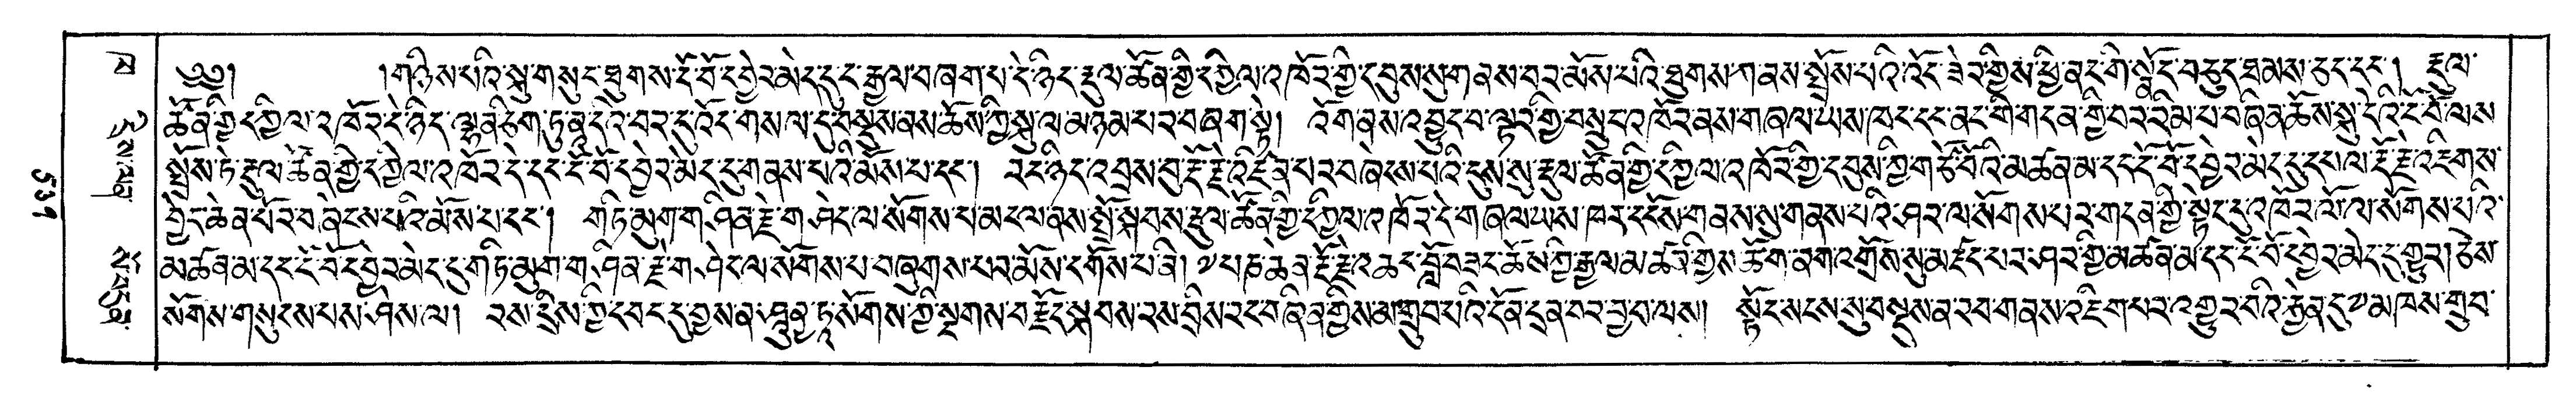༄༅། །གཉིས་པའི་སྐུ་གསུང་ཐུགས་ངོ་བོ་དབྱེར་མེད་དུ་ང་རྒྱལ་བཞག་པ་དེ་ཉིད་རྡུལ་ཚོན་གྱི་དཀྱིལ་འཁོར་གྱི་དབུས་སུ་གནས་པར་མོས་པའི་ཐུགས་ཀ་ནས་སྤྲོས་པའི་འོད་ཟེར་གྱིས་ཕྱི་ནང་གི་སྣོད་བཅུད་ཐམས་ཅད་དང་། རྡུལ་
ཚོན་གྱི་དཀྱིལ་འཁོར་དེ་ཉིད་ལྷན་ཅིག་ཏུ་ནཱ་དའི་བར་དུ་འོད་གསལ་དུ་བསྡུས་ནས་ཆོས་ཀྱི་སྐུ་ལ་མཉམ་པར་བཞག་སྟེ། འོག་ནས་འབྱུང་བ་ལྟར་གྱི་བསྲུང་འཁོར་ནས་གཞལ་ཡས་ཁང་ངང་ནང་གི་གདན་གྱི་བར་རིམ་པ་བཞིན་ཆོས་སྐུ་དེའི་ངོ་བོ་ལས་
སྤྲོས་ཏེ་རྡུལ་ཚོན་གྱི་དཀྱིལ་འཁོར་དེ་དང་ངོ་བོ་དབྱེར་མེད་དུ་གནས་པའི་མོས་པ་དང་། རང་ཉིད་འབྲས་བུ་རྡོ་རྗེ་འཛིན་པར་བཞེངས་པའི་དུས་སུ་རྡུལ་ཚོན་གྱི་དཀྱིལ་འཁོར་གྱི་དབུས་ཀྱི་གཙོ་བོའི་མཚན་མ་དང་ངོ་བོ་དབྱེར་མེད་དུ་དཔལ་རྡོ་རྗེ་འཇིགས་
བྱེད་ཆེན་པོར་བཞེངས་པའི་མོས་པ་དང་། གཏི་མུག་གཤིན་རྗེ་གཤེད་ལ་སོགས་པ་མངལ་ནས་སྤྲོ་སྐབས་རྡུལ་ཚོན་གྱི་དཀྱིལ་འཁོར་དེ་གཞལ་ཡས་ཁང་དངོས་གནས་སུ་གནས་པའི་ཤར་ལ་སོགས་པར་གདན་གྱི་སྟེང་དུ་འཁོར་ལོ་ལ་སོགས་པའི་
མཚན་མ་དང་ངོ་བོ་དབྱེར་མེད་དུ་གཏི་མུག་གཤིན་རྗེ་གཤེད་ལ་སོགས་པ་བཞུགས་པར་མོས་དགོས་པ་ནི། ༈ པཎ་ཆེན་རྡོ་རྗེ་འཆང་བློ་བཟང་ཆོས་ཀྱི་རྒྱལ་མཚན་གྱིས་ཆོ་ག་ནག་འགྲོས་སུ་མཛད་པར་ཤར་གྱི་མཚན་མ་དང་ངོ་བོ་དབྱེར་མེད་དུ་གྱུར། ཅེས་
སོགས་གསུངས་པས་ཤེས་ལ། རས་བྲིས་ཀྱི་དབང་དུ་བྱས་ན་ཤཱུ་ནྱ་ཏཱ་སོགས་ཀྱི་སྔགས་བརྗོད་སྐབས་རས་བྲིས་རང་བཞིན་གྱིས་མ་གྲུབ་པའི་དོན་དྲན་པར་བྱ་བ་ལས། སྟོང་སངས་སུ་བསྡུས་ན་རབ་གནས་འཇིག་པར་འགྱུར་བའི་རྐྱེན་དུ་༈ མཁས་གྲུབ་